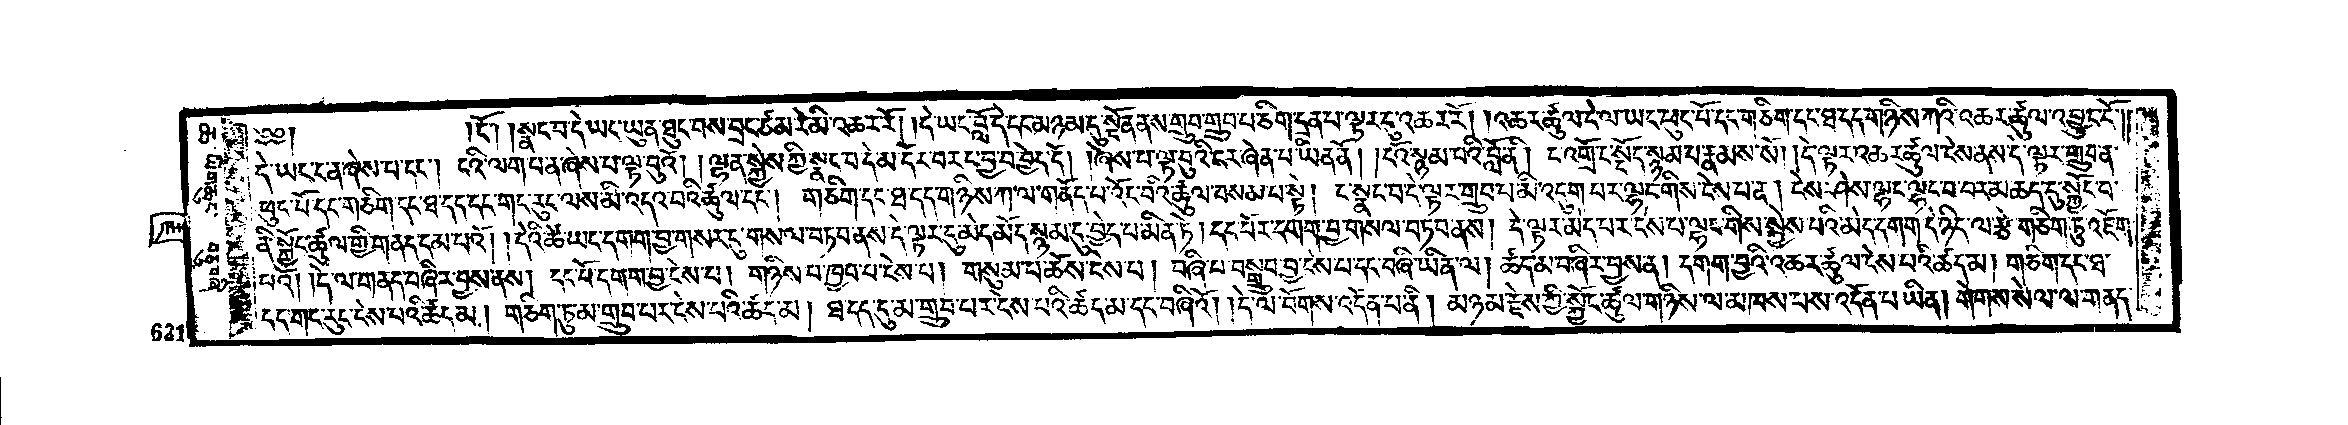༄༅། །ངོ། །སྣང་བ་དེ་ཡང་ཡུན་ཐུང་བས་བྲང་ཙམ་རེ་མི་འཆར་རོ། །དེ་ཡང་བློ་དེ་དང་མཉམ་དུ་སྔོན་ནས་གྲུབ་གྲུབ་པ་ཅིག་དྲན་པ་ལྟར་དུ་འཆར་རོ། །འཆར་ཚུལ་དེ་ལ་ཡང་ཕུང་པོ་དང་གཅིག་དང་ཐ་དད་གཉིས་ཀའི་འཆར་ཚུལ་འབྱུང་ངོ།།
དེ་ཡང་ང་ན་ཞེས་པ་དང་། ངའི་ལག་པ་ན་ཞེས་པ་ལྟ་བུའོ། །ལྷན་སྐྱེས་ཀྱི་སྣང་བ་དེ་མ་དོར་བར་ང་བྱ་བ་བྱེད་དོ། །ཞེས་པ་ལྟ་བུའི་ངར་ཞེན་པ་ཡིན་ནོ། །ངའོ་སྙམ་པའི་བློ་ནི། ང་འགྲོ་ང་སྡོད་སྙམ་པ་རྣམས་སོ། །དེ་ལྟར་འཆར་ཚུལ་ངེས་ནས་དེ་ལྟར་གྲུབ་ན་
ཕུང་པོ་དང་གཅིག་དང་ཐ་དད་དང་གང་རུང་ལས་མི་འདའི་བའི་ཚུལ་དང་། གཅིག་དང་ཐ་དད་གཉིས་ཀ་ལ་གནོད་པ་འོང་བའི་ཚུལ་བསམ་པ་སྟེ། ང་སྣང་བ་དེ་ལྟར་གྲུབ་པ་མི་འདུག་པར་ལྷང་གིས་ངེས་པ་ན། ངེས་ཤེས་ལྷང་ལྷང་བ་བར་མ་ཆད་དུ་སྐྱོང་བ་
ནི་སྐྱོང་ཚུལ་གྱི་གནད་དམ་པའོ། །དེའི་ཚེ་ཡང་དགག་བྱ་གསར་དུ་གསལ་བཏབ་ནས་དེ་ལྟར་དུ་མེད་མོད་སྙམ་དུ་བྱེད་པ་མིན་ཏེ། དང་པོར་དགག་བྱ་གསལ་བཏབ་ནས། དེ་ལྟར་མེད་པར་ངེས་པ་ལྷང་གིས་སྐྱེས་པའི་མེད་དགག་དེ་ཉིད་ལ་རྩེ་གཅིག་ཏུ་འཇོག་
པའོ། །དེ་ལ་གནད་བཞིར་བྱས་ནས། དང་པོ་དགག་བྱ་ངེས་པ། གཉིས་པ་ཁྱབ་པ་ངེས་པ། གསུམ་པ་ཆོས་ངེས་པ། བཞི་པ་བསྒྲུབ་བྱ་ངེས་པ་དང་བཞི་ཡིན་ལ། ཚད་མ་བཞིར་བྱས་ན། དགག་བྱའི་འཆར་ཚུལ་ངེས་པའི་ཚད་མ། གཅིག་དང་ཐ་
དད་གང་རུང་ངེས་པའི་ཆོད་མ། གཅིག་ཏུ་མ་གྲུབ་པར་ངེས་པའི་ཚད་མ། ཐ་དད་དུ་མ་གྲུབ་པར་ངེས་པའི་ཚད་མ་དང་བཞིའོ། །དེ་ལ་བོགས་འདོན་པ་ནི། མཉམ་རྗེས་ཀྱི་སྐྱོང་ཚུལ་གཉིས་ལ་མཁས་པས་འདོན་པ་ཡིན། གེགས་སེལ་ལ་གནད་